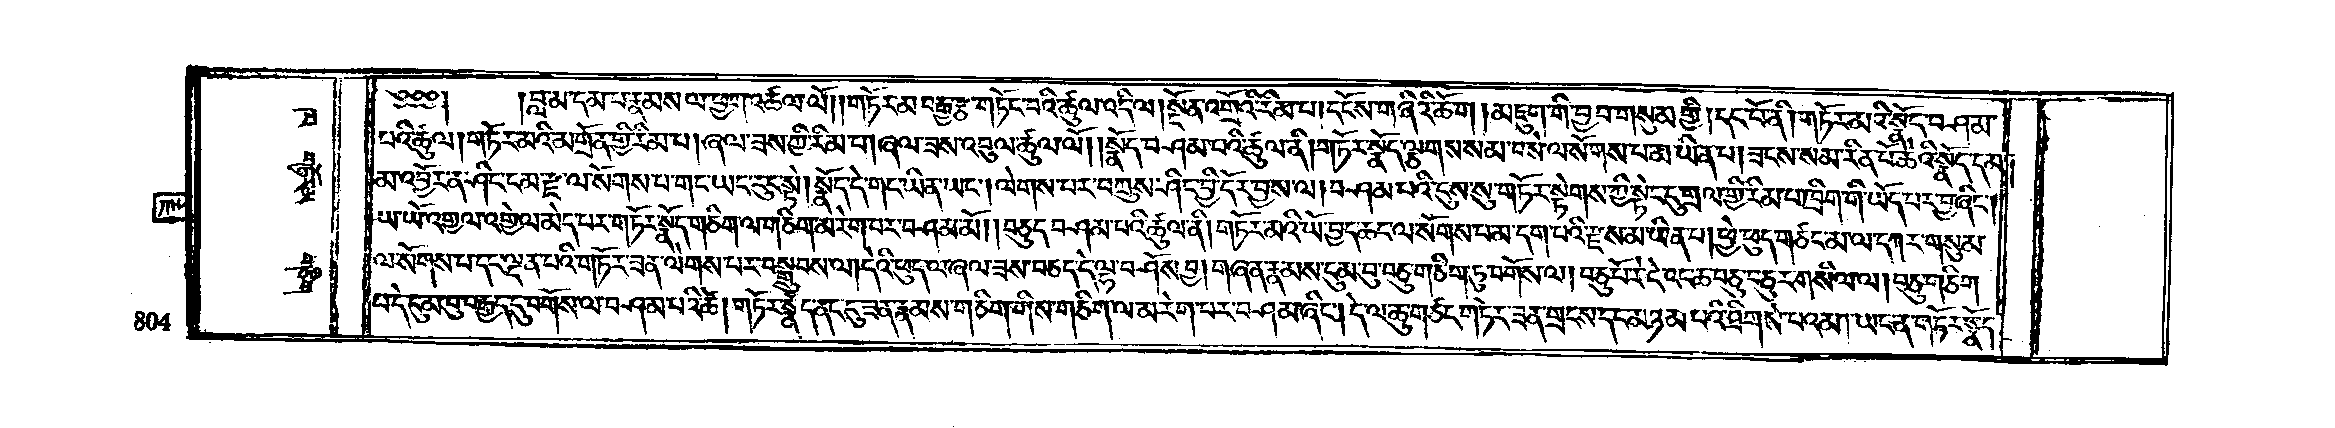༄༅༅། །བླ་མ་དམ་པ་རྣམས་ལ་ཕྱག་འཚལ་ལོ། །གཏོར་མ་བརྒྱ་རྩ་གཏོང་བའི་ཚུལ་འདི་ལ། སྔོན་འགྲོའི་རིམ་པ། དངོས་གཞིའི་ཆོ་ག །མཇུག་གི་བྱ་བ་གསུམ་གྱི། དང་པོ་ནི། གཏོར་མའི་སྣོད་བཤམ་
པའི་ཚུལ། གཏོར་མའི་མགྲོན་གྱི་རིམ་པ། ཞལ་ཟས་ཀྱི་རིམ་པ། ཞལ་ཟས་འབུལ་ཚུལ་ལོ། །སྣོད་བཤམ་པའི་ཚུལ་ནི། གཏོར་སྣོད་ལྕགས་སམ་བསེ་ལ་སོགས་པ་མ་ཡིན་པ། ཟངས་སམ་རིན་པོ་ཆེའི་སྣོད་དམ་
མ་འབྱོར་ན་ཤིང་དམ་རྫ་ལ་སོགས་པ་གང་ཡང་རུང་སྟེ། སྣོད་དེ་གང་ཡིན་ཡང་། ལེགས་པར་བཀྲུས་ཤིང་བྱི་དོར་བྱས་ལ། བཤམ་པའི་དུས་སུ་གཏོར་སྟེགས་ཀྱི་སྟེང་དུ་གྲལ་གྱི་རིམ་པ་ཁྲིག་གི་ཡོད་པར་བྱ་ཞིང་།
ཡ་ཡོ་འགྱལ་འགྱེལ་མེད་པར་གཏོར་སྣོད་གཅིག་ལ་གཅིག་མ་རེག་པར་བཤམ་མོ། །བཅུད་བཤམ་པའི་ཚུལ་ནི། གཏོར་མའི་ཡོ་བྱད་ཆང་ལ་སོགས་པ་མ་དག་པའི་རྫས་མ་ཡིན་པ། ཕྱེ་ཕུད་གཙང་མ་ལ་དཀར་གསུམ་
ལ་སོགས་པ་དང་ལྡན་པའི་གཏོར་ཟན་ལེགས་པར་བསྒྲུབས་ལ། དེའི་ཕུད་ལ་ཞལ་ཟས་བཅད་དེ་ལྷ་བཤོས་བྱ། གཞན་རྣམས་དུམ་བུ་བཅུ་གཅིག་ཏུ་བགོས་ལ། བཅུ་པོ་རེ་རེ་འང་ཆ་བཅུ་བཅུར་གསིལ་ལ། བཅུ་གཅིག་
པ་དེ་དུམ་བུ་བརྒྱད་དུ་བགོས་ལ་བཤམ་པའི་ཚེ། གཏོར་སྣོད་ནང་དུ་ཟན་རྣམས་གཅིག་གིས་གཅིག་ལ་མ་རེག་པར་བཤམ་ཞིང་། དེ་ལ་ཆུ་གཙང་གཏེར་ཟན་གྲངས་དང་མཉམ་པའི་ཐིགས་པའམ། ཡང་ན་གཏོར་སྣོད།